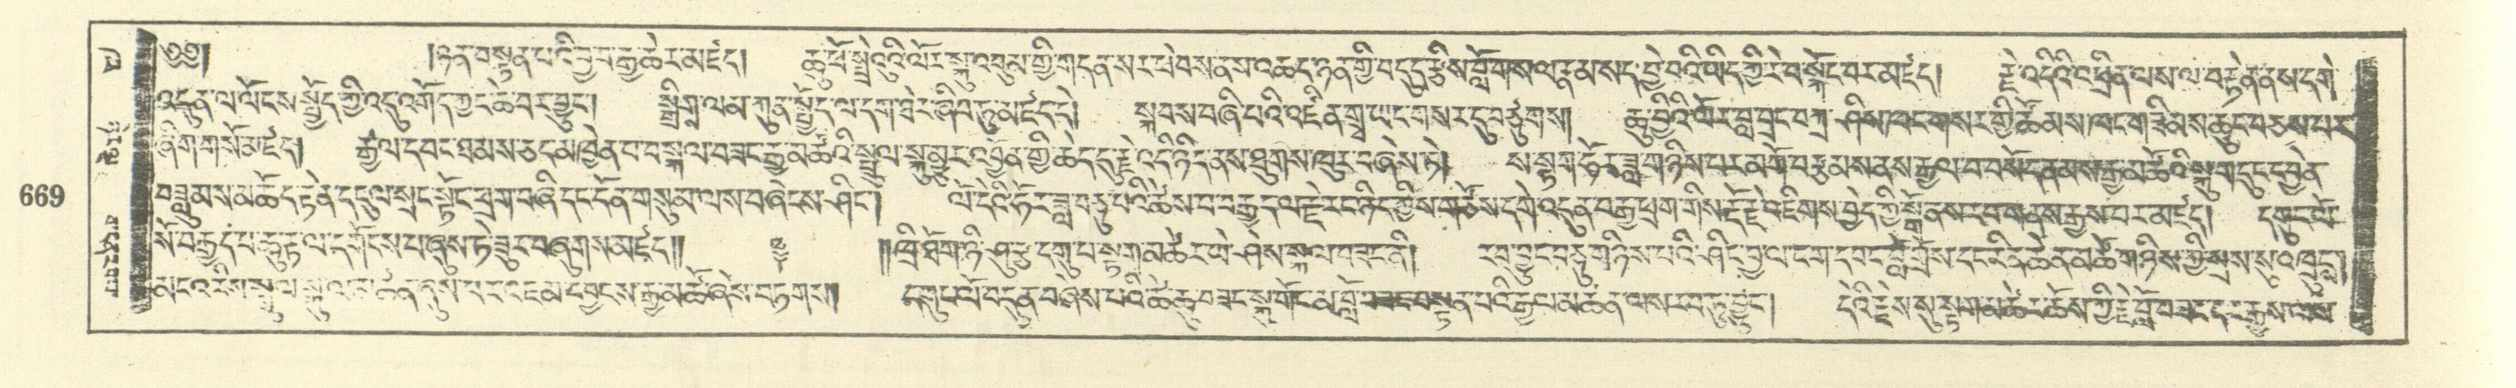༄༅། །ཉན་བསྟན་པའི་བྱ་བ་རྒྱ་ཆེར་མཛད། ཆུ་ཕོ་སྤྲེའུའི་ལོར་སྐུ་འབུམ་གྱི་གདན་སར་ཕེབས་ནས་འཆད་ཉན་གྱི་བདུད་རྩིས་བློ་གསལ་རྣམ་སད་བྱེ་བའི་ཡིད་ཀྱི་རེ་བ་སྐོང་བར་མཛད། རྗེ་འདིའི་འཕྲིན་ལས་ལ་བརྟེན་ནས་དགེ་
འདུན་ལ་ལོངས་སྤྱོད་ཀྱི་འདུ་འགོད་ཀྱང་ཆེ་བར་བྱུང་། སྒྲིགས་ལམ་ཀུན་སྤྱོད་ལ་དག་ཐེར་ཞིབ་ཏུ་མཛད་དེ། སྐབས་བཞི་པའི་འཛིན་གྲྭ་ཡང་གསར་དུ་བཙུགས། ཆུ་བྱིའི་ལོར་བླ་བྲང་བཀྲ་ཤིས་ཁང་གསར་གྱི་ཚོམས་ཁང་གཟིམས་ཆུང་བཅས་པར་
ཞིག་གསོ་མཛད། རྒྱལ་དབང་ཐམས་ཅད་མཁྱེན་པ་བསྐལ་བཟང་རྒྱ་མཚོའི་སྤྲུལ་སྐུ་མྱུར་འབྱོན་གྱི་ཆེད་དུ་རྗེ་འདི་ཉིད་ནས་ཐུགས་ཁུར་བཞེས་ཏེ། ས་སྟག་ཧོར་ཟླ་གཉིས་པར་མགོ་བརྩམས་ནས་རྒྱལ་བ་བསོད་ནམས་རྒྱ་མཚོའི་སྐུ་གདུང་དབྱེན་
བཟླུམ་ས་མཆོད་རྟེན་དངུལ་སྲང་སྟོང་ཕྲག་བཞི་དང་དོན་གསུམ་ལས་བཞེངས་ཤིང་། ལོ་དེའི་ཧོར་ཟླ་བཅུ་པའི་ཚེས་པ་བརྒྱད་ལ་རྗེ་རང་ཉིད་ཀྱིས་གཙོས་དགེ་འདུན་བརྒྱ་ཕྲག་གིས་རྡོ་རྗེ་འཇིགས་བྱེད་ཀྱི་སྒོ་ནས་རབ་གནས་རྒྱས་པར་མཛད། དགུང་ལོ་
སོ་བརྒྱད་པ་ཆུ་རྟ་ལ་དགོངས་པ་ཞུས་ཏེ་ཟུར་བཞུགས་མཛད།། ༈ །།ཁྲི་ཐོག་ཉི་ཤུ་རྩ་དགུ་པ་སྟག་མཚེར་ཡེ་ཤེས་སྐལ་བཟང་ནི། རབ་བྱུང་བཅུ་གཉིས་པའི་ཤིང་བྱ་ལ་ངག་དབང་བློ་གྲོས་དང་རིན་ཆེན་མཚོ་གཉིས་ཀྱི་སྲས་སུ་འཁྲུངས།
མངའ་རིས་སྤྲུལ་སྐུ་ལ་མཚན་ཞུས་པར་འཇམ་དབྱངས་རྒྱ་མཚོ་ཞེས་བཏགས། དགུང་ལོ་བདུན་བཞེས་པའི་ཚེ་ཆུ་བཟང་སྐུ་གོང་མ་བློ་བཟང་བསྟན་པའི་རྒྱལ་མཚན་ལས་རབ་ཏུ་བྱུང་། དེའི་རྗེས་སུ་སྟག་མཚེར་ཆོས་ཀྱི་རྗེ་བློ་བཟང་དར་རྒྱས་ལས་